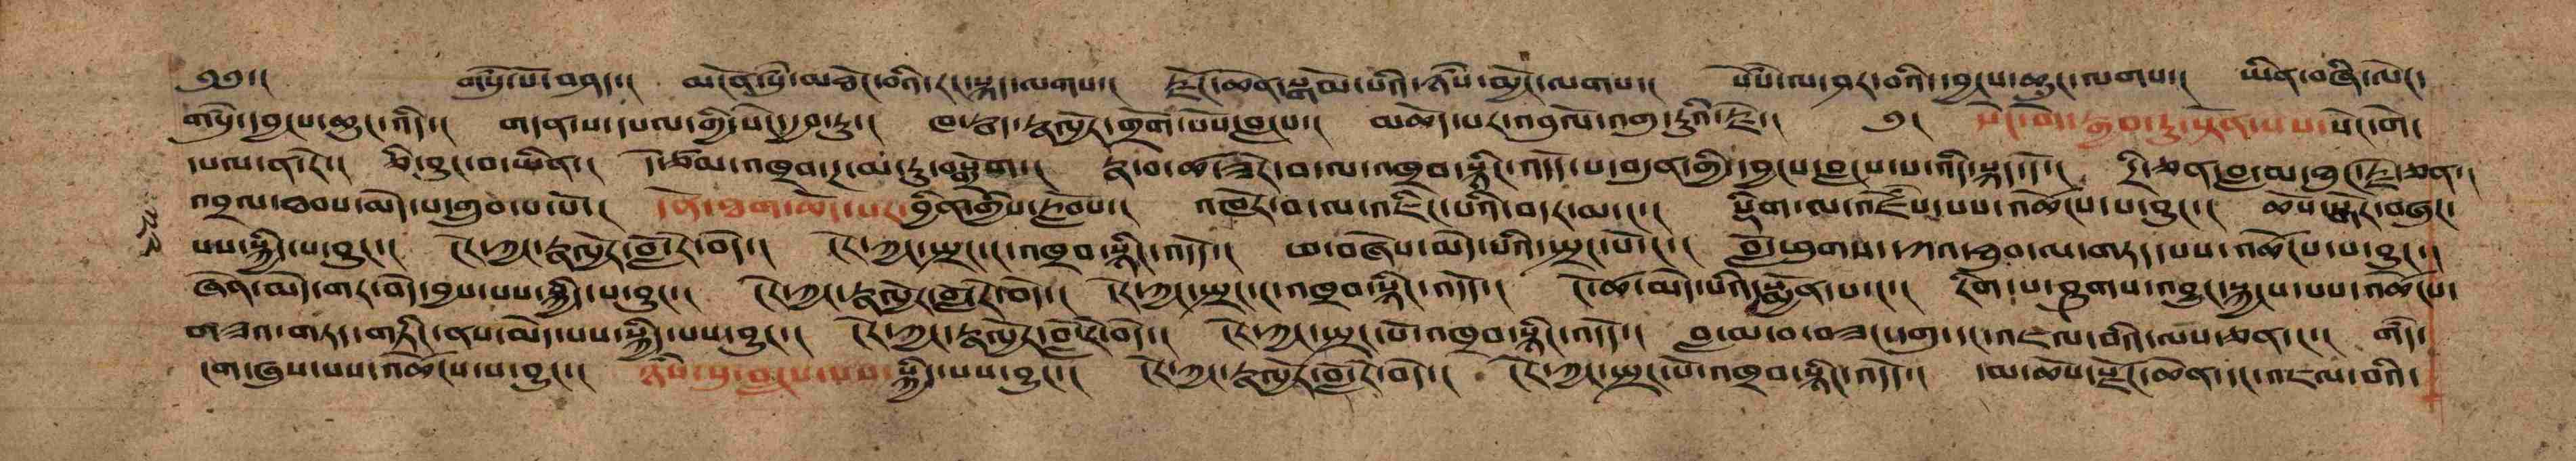༄༅།། གསུམ་པོ་བཤད།། མངོན་སུམ་མཐོང་བའི་རང་སྐད་ལགས།། རྫོགས་ཆེན་སྒོམ་པའི་ཉམས་མྱོང་ལགས།། སེམས་ལ་ཤར་བའི་དབྱངས་ཆུང་ལགས།། ཡིན་བཞི་ལེགས་
གསུམ་དབྱངས་ཆུང་འདི།། གདན་ས་དཔལ་གྱི་སེང་རྒྱབ་ཏུ།། ཁ་རྦད་རྣལ་འབྱོར་གྲོག་པོས་བླངས།། མཆོད་པར་འབུལ་ལོ་འགུ་རུ་རྗེ།། ༄་། སེང་གེ་རྒྱབ་ཏུ་སྟོན་པས་སེང་གེ་
དཔལ་ན་རེ།། ཅི་བྱུང་བ་ཡིན།། དེ་ཙམ་འཁྲབ་ཌ་མ་རུ་བསྒྲོག། རྣ་བ་ཚ་ཟེར་བ་ལ་འཁྲབ་སྙིང་འདོད་པ་བདུན་གྱི་དབྱངས་བླངས་པ་འདི་སྐད་དོ།། དྲིན་ཅན་བླ་མ་ཐུགས་རྗེ་ཅན།། 
འབྲལ་ཐབས་མེད་པ་གྲུབ་པ་པོ།། དོན་ཐག་ཆོད་པར་བྱིན་གྱིས་རློབས།། འཁོར་བ་ལ་འཇིགས་པའི་སྡར་མ་ང་།། སྡིག་ལ་འཛེམས་པས་འཚེངས་པ་བྱུང་།། ཆོས་སྒོར་བཞུགས་
པས་སྐྱིད་པ་བྱུང་།། ངོར་ཀྱང་རྣལ་འབྱོར་བློ་རེ་བདེ།། ངོར་ཀྱང་སྤྲང་ང་འཁྲབ་སྙིང་འདོད།། ཕ་གཞིས་མེད་པའི་སྤྲང་པོ་ང་།། བློ་ཕུག་དཀའ་ཐུབ་ལ་གཏད་པས་འཚེངས་པ་བྱུང་།། 
ཞེན་མེད་གར་བདེ་བྱས་པས་སྐྱིད་པ་བྱུང་།། ངེད་ཀྱང་རྣལ་འབྱོར་བློ་རེ་བདེ།། ངོར་ཀྱང་སྤྲང་པོ་འཁྲབ་སྙིང་འདོད།།་ངོ་ཚ་མེད་པའི་སྨྱོན་པ་ང་།། རིག་པ་ཤུགས་འབྱུང་བསྐྱངས་པས་འཚེངས།། 
གཟའ་གཏད་གཏིང་ནས་མེད་པས་སྐྱིད་པས་བྱུང་།། ངོར་ཀྱང་རྣལ་འབྱོར་བློ་རེ་བདེ།། ངོར་ཀྱང་སྤྲང་ང་འཁྲབ་སྙིང་འདོད།། བླ་མ་བ་བཟང་དགུ་དང་འཇལ་བའི་ལས་ཅན་ང་།། གདམ་
ངག་ཞུས་པས་འཚེངས་པ་བྱུང་།། ཉམས་སུ་བླངས་པས་སྐྱིད་པས་བྱུང་།། ངོར་ཀྱང་རྣལ་འབྱོར་བློ་རེ་བདེ།། ངོར་ཀྱང་སྤྲང་ང་འཁྲབ་སྙིང་འདོད།། དམ་ཆོས་རྫོགས་ཆེན་དང་མཇལ་བའི་